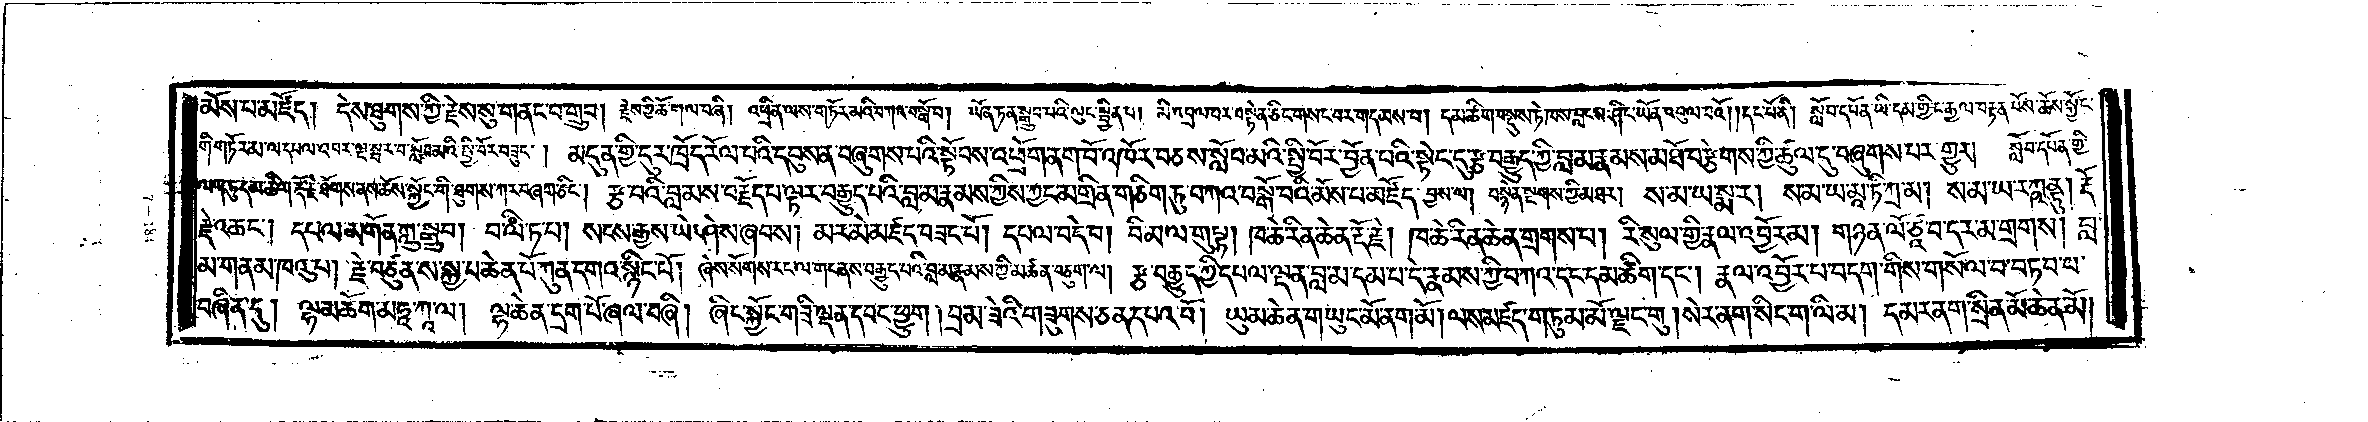མོས་པ་མཛོད། དེས་ཐུགས་ཀྱི་རྗེས་སུ་གནང་བ་གྲུབ། རྗེས་ཀྱི་ཆོ་ག་ལ་བཞི། འཕྲིན་ལས་གཏོར་མའི་བཀའ་བསྒོ་བ། ཡོན་ཏན་སྒྲུབ་པའི་ལུང་སྦྱིན་པ། མི་འབྲལ་བར་བསྟེན་ཅིང་གསང་བར་གདམས་པ། དམ་ཚིག་བསྡུས་ཏེ་ཁས་བླངས་ཤིང་ཡོན་འབུལ་བའོ། །དང་པོ་ནི། སློབ་དཔོན་ཡི་དམ་གྱི་རྒྱལ་བརྟན་པོས་ཆོས་སྐྱོང་
གི་གཏོར་མ་ལ་དཔལ་འབར་ལྔ་སྦར་བ་སློབ་མའི་སྤྱི་པོར་བཟུང་། མདུན་གྱི་དུར་ཁྲོད་རོལ་པའི་དབུས་ན་བཞུགས་པའི་སྟོབས་འཕྲོག་ནག་པོ་འཁོར་བཅས་སློབ་མའི་སྤྱི་བོར་བྱོན་པའི་སྟེང་དུ་རྩ་བརྒྱུད་ཀྱི་བླ་མ་རྣམས་མཐོ་བརྩེགས་ཀྱི་ཚུལ་དུ་བཞུགས་པར་གྱུར། སློབ་དཔོན་གྱི་
ལག་ཏུ་དམ་ཚིག་རྡོ་རྗེ་ཐོགས་ནས་ཆས་སྐྱོང་གི་ཐུགས་གང་བཞག་ཅིང་། རྩ་བའི་བླ་མས་བརྗོད་པ་ལྟར་བརྒྱུད་པའི་བླ་མ་རྣམས་ཀྱིས་ཀྱང་མགྲིན་གཅིག་ཏུ་བཀའ་བསྒོ་བའི་མོས་པ་མཛོད་བྱས་ལ། བསྙེན་སྔགས་ཀྱི་མཐར།  ས་མ་ཡ་སྨར། ས་མ་ཡ་མཱ་ཏི་ཀྲ་མ། ས་མ་ཡ་རཀྵནྟུ། རྡོ་
རྗེ་འཆང་། དཔལ་མགོན་ཀླུ་སྒྲུབ། བ་ལིཾ་ཏ་པ། སངས་རྒྱས་ཡེ་ཤེས་ཞབས། མར་མེ་མཛད་བཟང་པོ། དཔལ་བདེ་བ། བི་མ་ལ་གུཔྟ། ཁ་ཆེ་རིན་ཆེན་རྡོ་རྗེ། ཁ་ཆེ་རིན་ཆེན་གྲགས་པ། རི་སུལ་གྱི་རྣལ་འབྱོར་མ། གཉན་ལོ་ཙཱ་བ་དར་མ་གྲགས། བླ་
མ་གནམ་ཁཱུ་པ། རྗེ་བཙུན་ས་སྐྱ་པ་ཆེན་པོ་ཀུན་དགའ་སྙིང་པོ། ཞེས་སོགས་རང་ལ་གང་ནས་བརྒྱུད་པའི་བླ་མ་རྣམས་ཀྱི་མཚན་བཅུག་ལ།  རྩ་བརྒྱུད་ཀྱི་དཔལ་ལྡན་བླ་མ་དམ་པ་དེ་རྣམས་ཀྱི་བཀའ་དང་དམ་ཚིག་དང་། རྣལ་འབྱོར་པ་བདག་གིས་གསོལ་བ་བཏབ་པ་
བཞིན་དུ། ལྷ་མཆོག་མཧཱ་ཀཱ་ལ། ལྷ་ཆེན་དྲག་བོ་ཞལ་བཞི། ཞིང་སྐྱོང་གཟི་ལྡན་དབང་ཕྱུག །བྲམ་ཟེའི་གཟུགས་ཅན་དཔའ་བོ། ཡུམ་ཆེན་གཡུང་མོ་ནག་མོ། ལས་མཛད་གཏུམ་མོ་ལྗང་གུ །སེར་ནག་སིང་ག་ལི་མ། དམར་ནག་སྲིན་མོ་ཆེན་མོ།